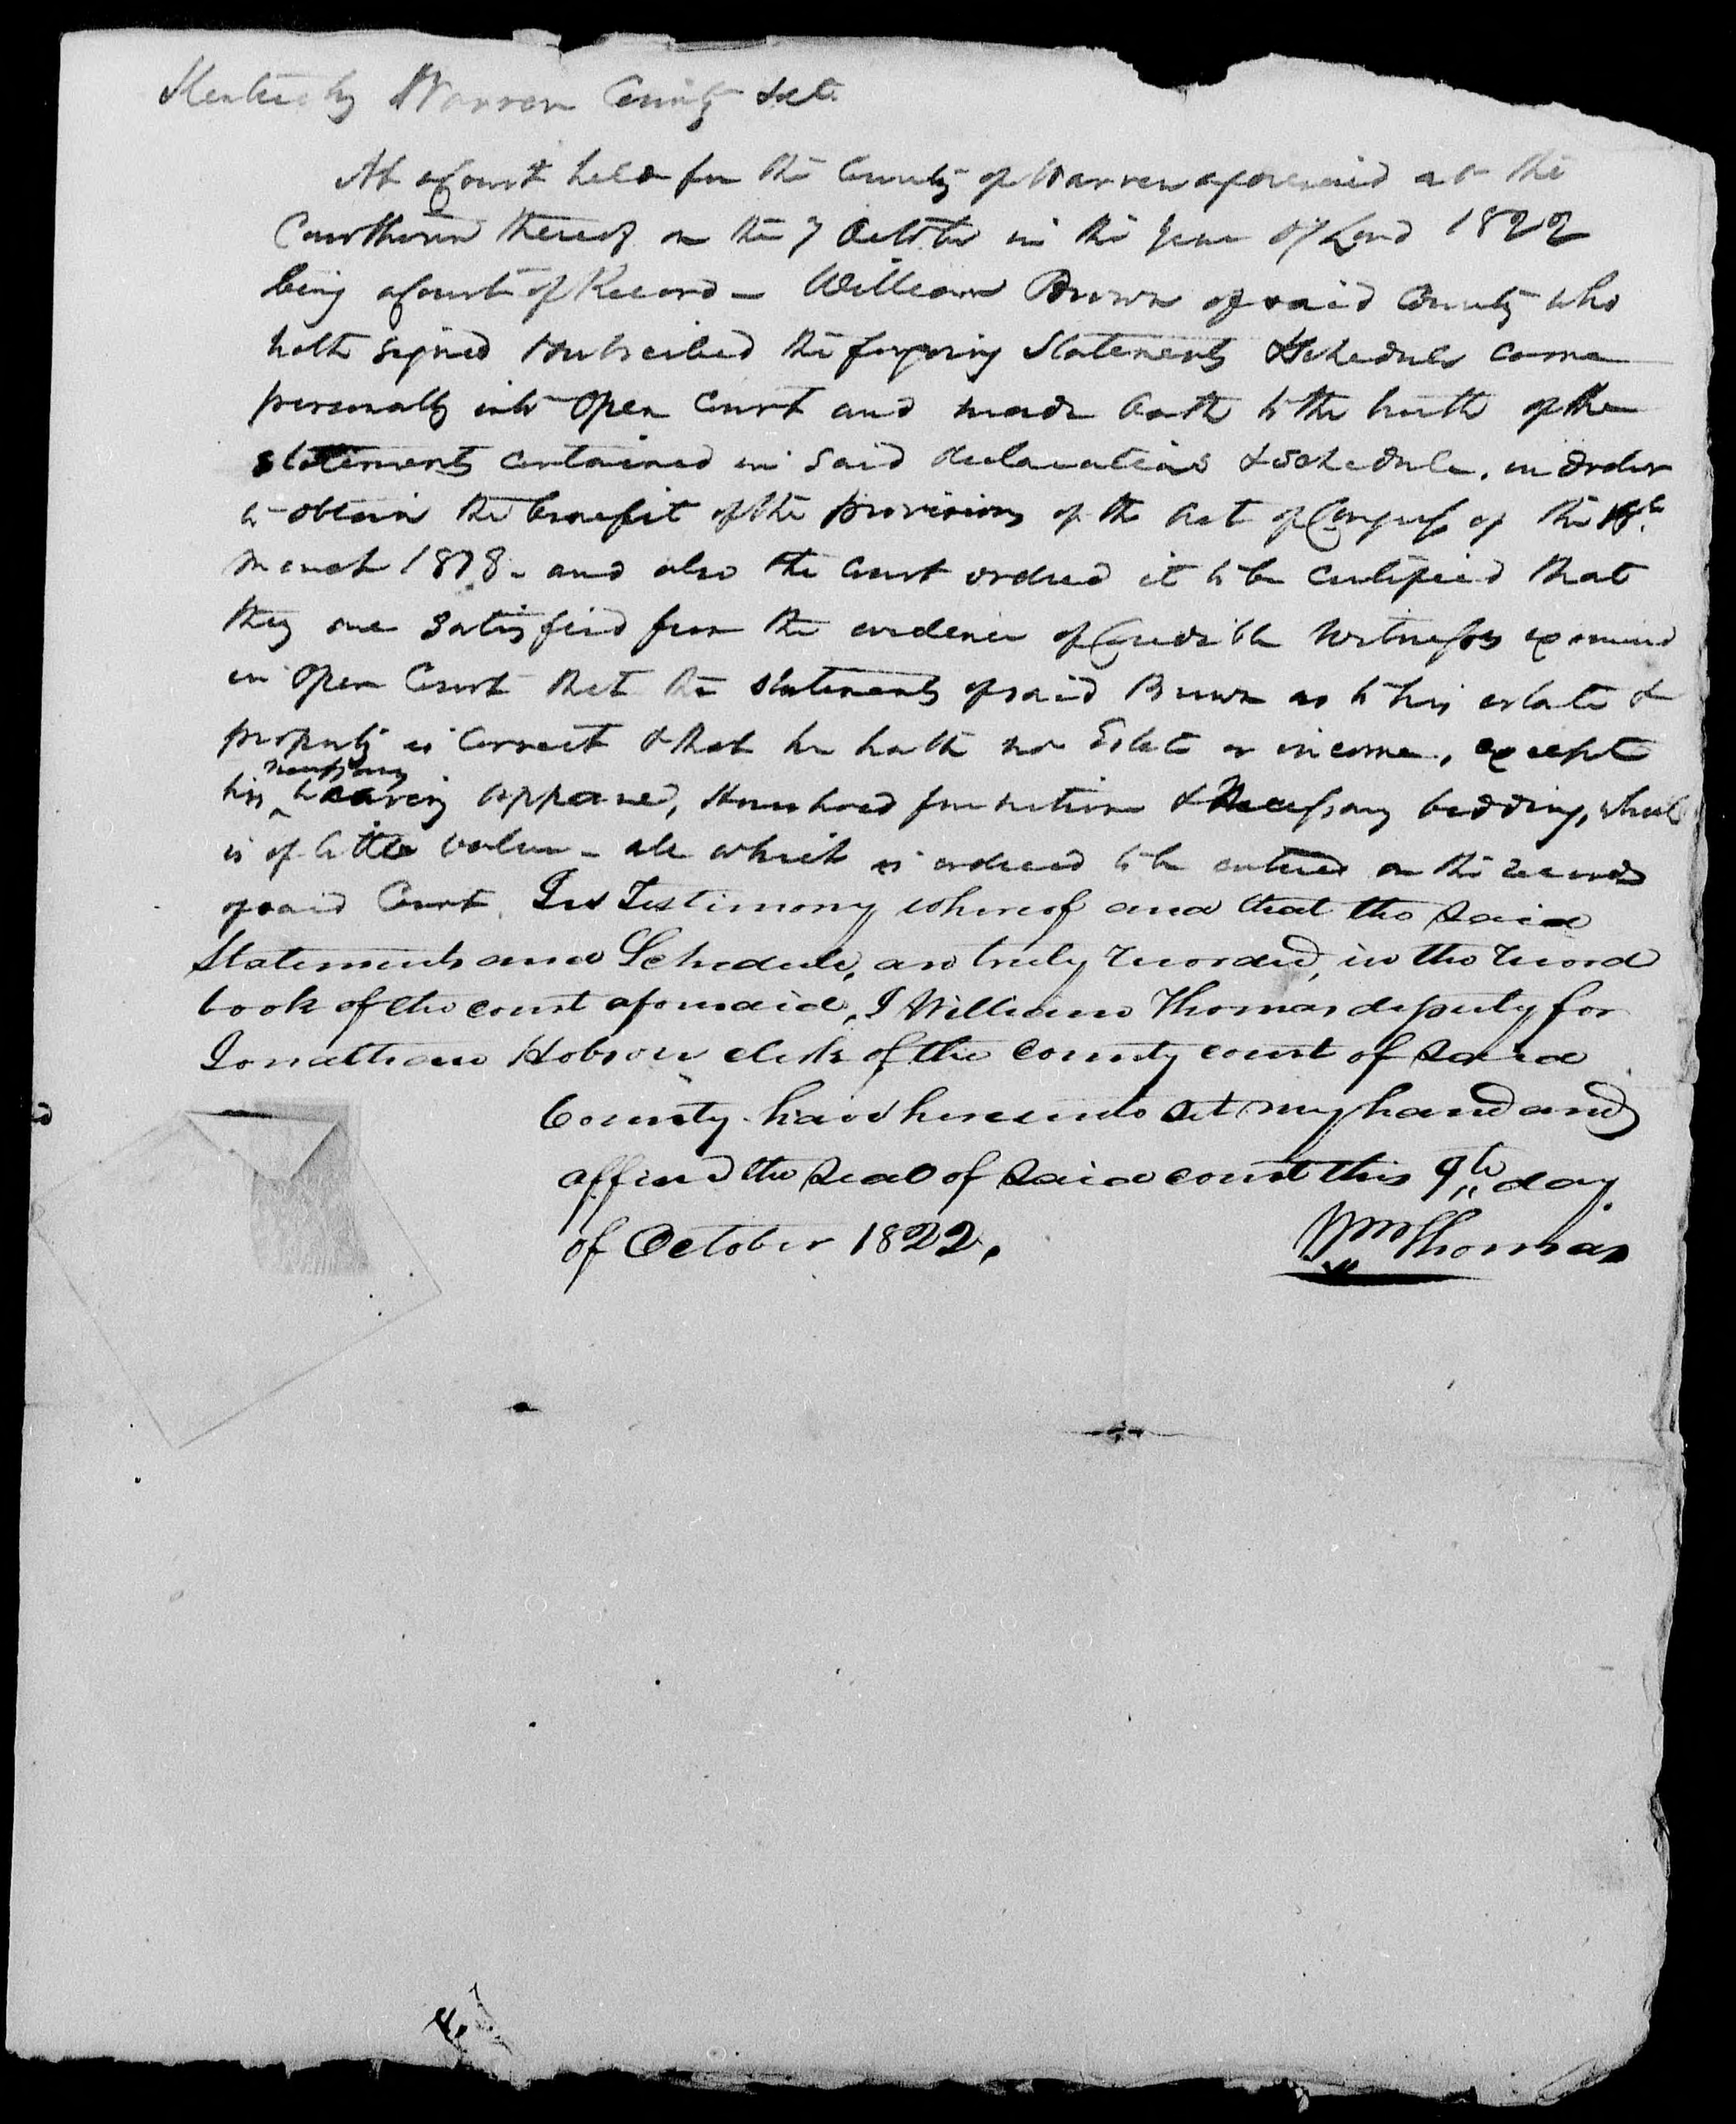Kentucky Warren County J.ct.
At a Court held for The County of Warren aforesaid at the
Courthouse Thereof on the 7 October in the Year of Lord 1822
being a Court of Record - William Brown of said County who
hath signed + subscribed the foregoing Statements + should come
personally in Open court and made oath to the [illegible] of the
statements contained in said declarations + schedule, in order
to obtain the benefit of the provisions of the [illegible] of Congress of the [illegible]
March 1878 - and also the court ordered in to be certified that
they are satisfied from the evidence of [illegible] Witnesses as [illegible]
in Open Court [illegible] the statements of said Brown as this estate +
property is Correct + that he hath no debts or income, [illegible]
his [illegible] apparel, Household furniture + Necessary bedding, what
is of little value - [illegible] which is ordered to be entered on the record
of said Court. In Testimony whereof and that the said
Statements and Schedule, and [illegible] recorded, in the Record
book of the court aforesaid, I William Thomas deputy for
Jonathan Hobson clerk of the County court of said
County have hereunto set my hand and
affixed the seal of said court this 9th day
of October 1822.  

WM Thomas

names: William Brown, Wm Thomas, William Thomas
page: 6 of 21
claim: survivor's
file: S. 35,788, William Brown, Va.